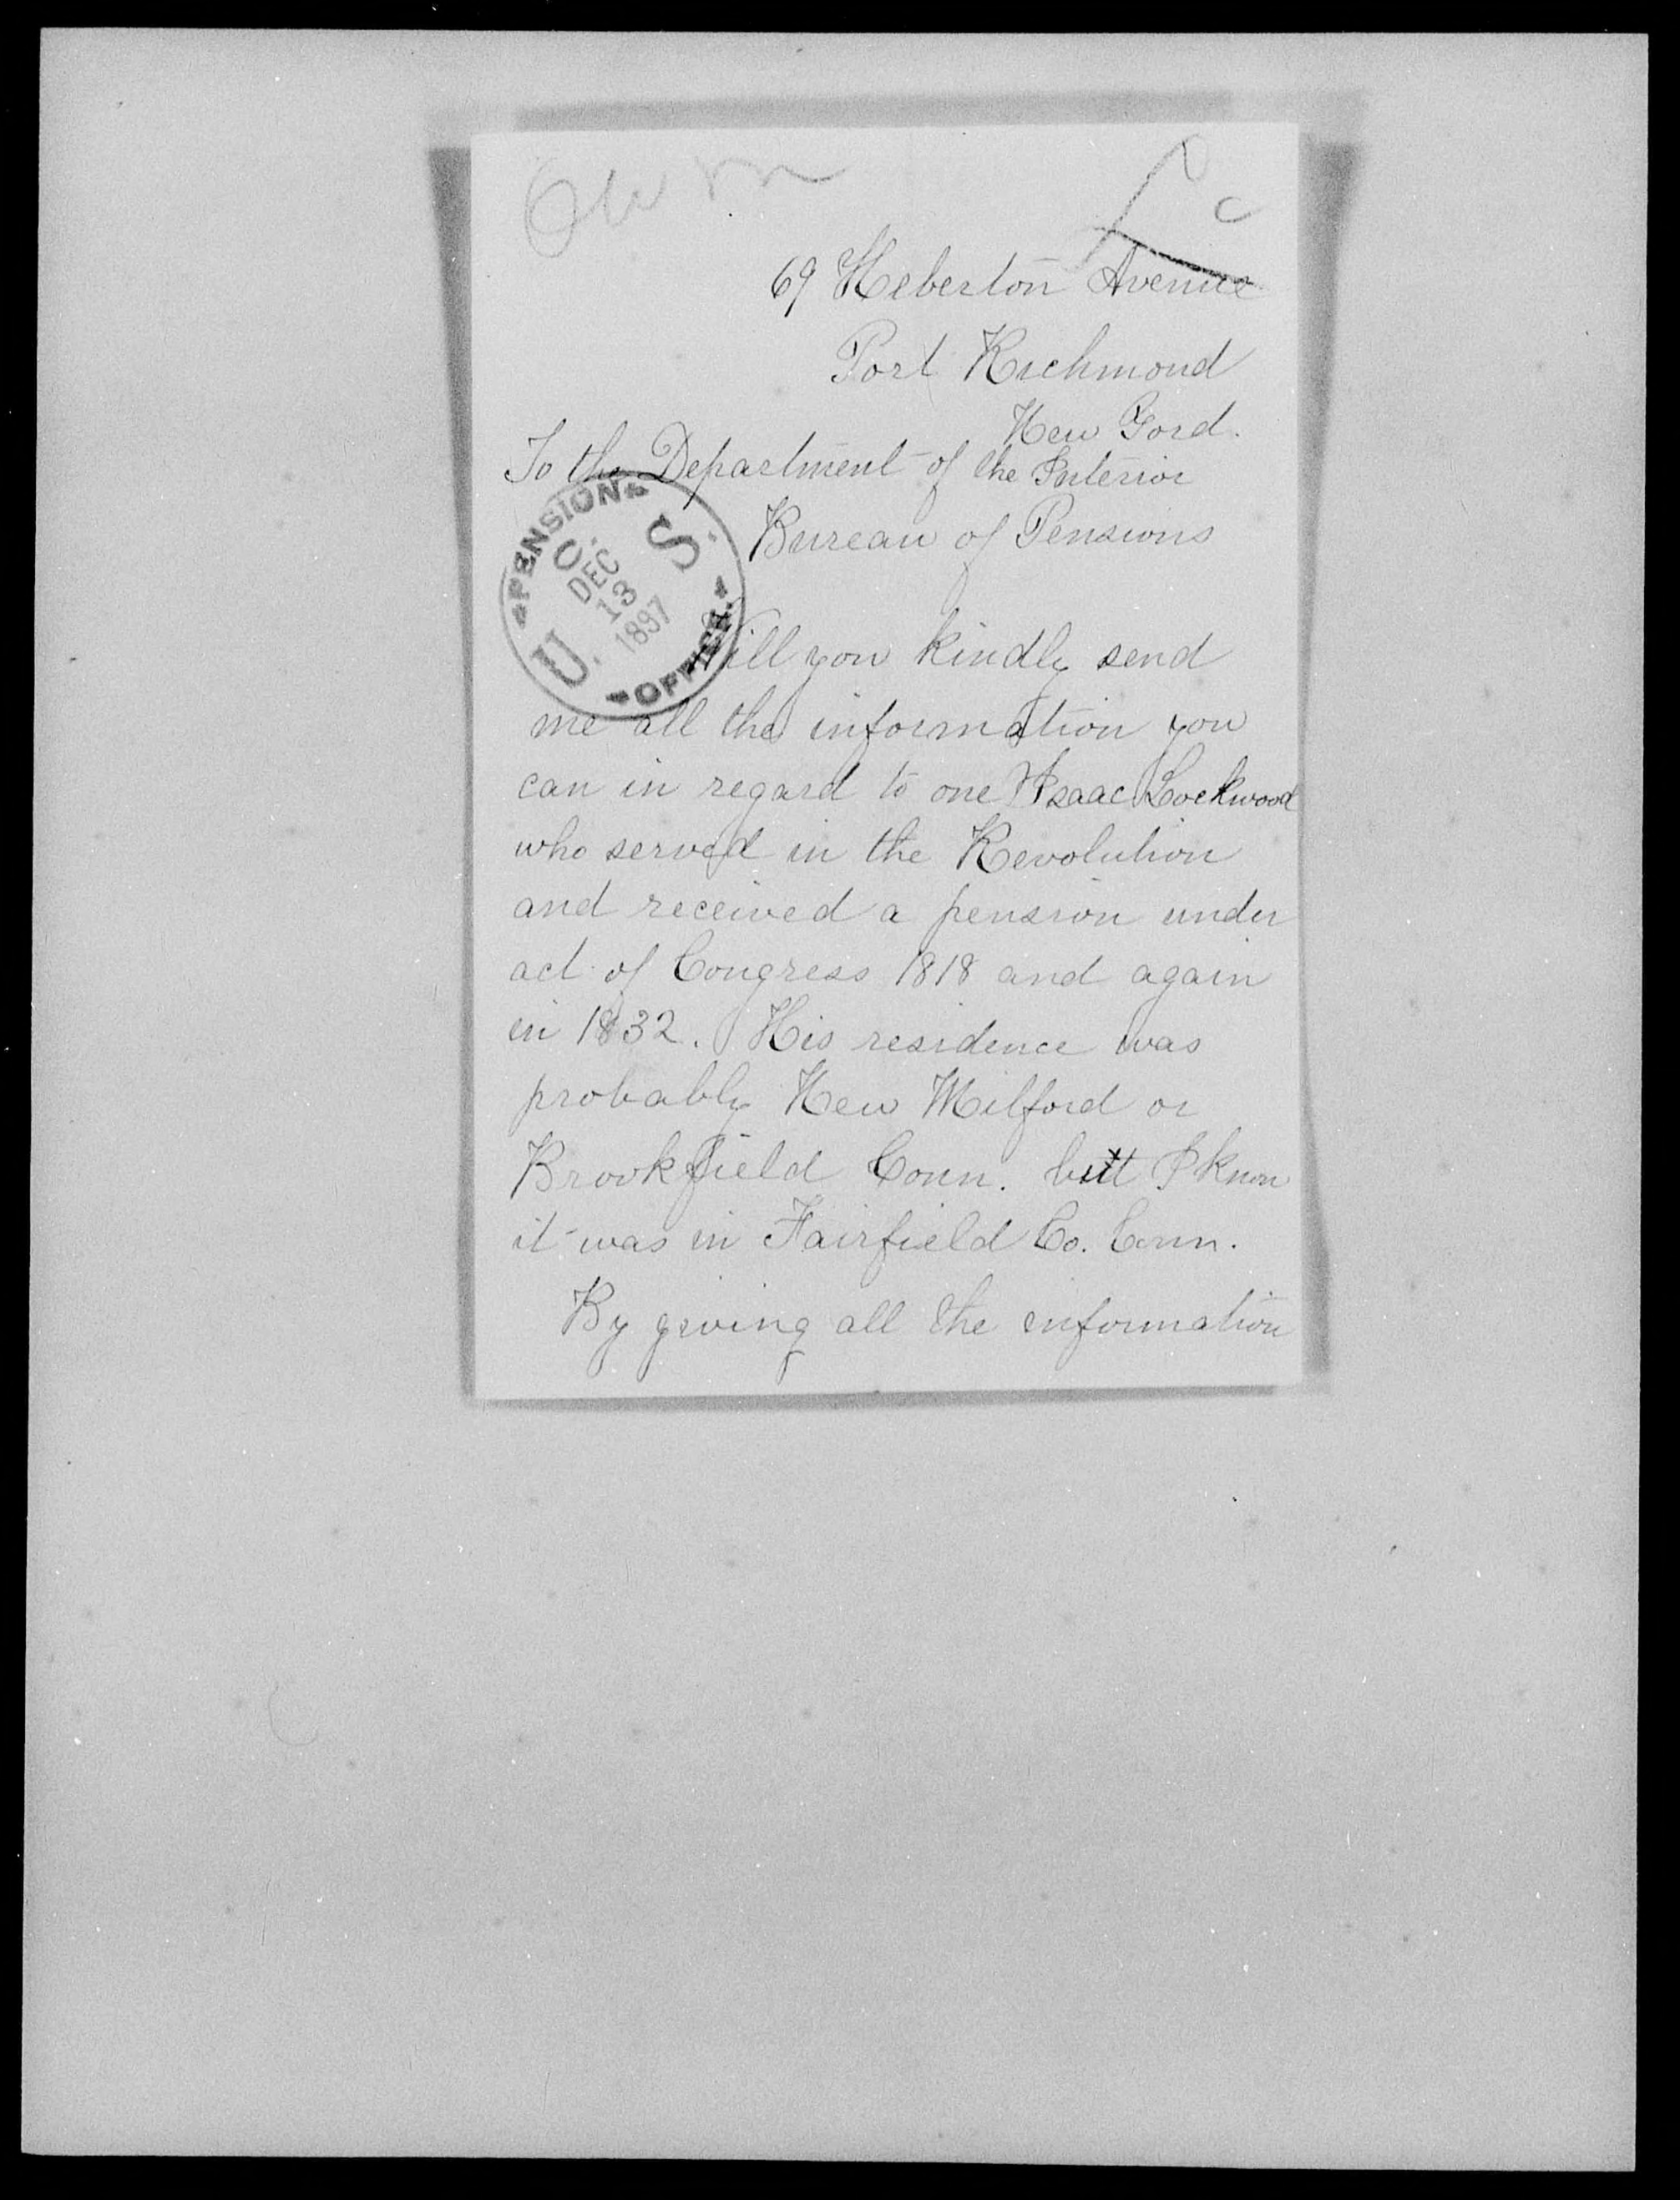O W M

69 Herberton Avenue
Port Richmond
New York.

[stamp]
PENSION OFFICE
C
DEC
13
1897
U. S.

To the Department of the Interior
Bureau of Pensions

Will you kindly send me all the information you can in regard to one Isaac Lockwood who served in the Revolution and received a pension under act of Congress 1818 and again in 1832. His residence was probably New Milford or Brookfield Conn. but I know it was in Fairfield Co. Conn.

By giving all the information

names: Isaac Lockwood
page: 19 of 23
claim: survivor's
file: S 42891, for Isaac Lockwood, New York